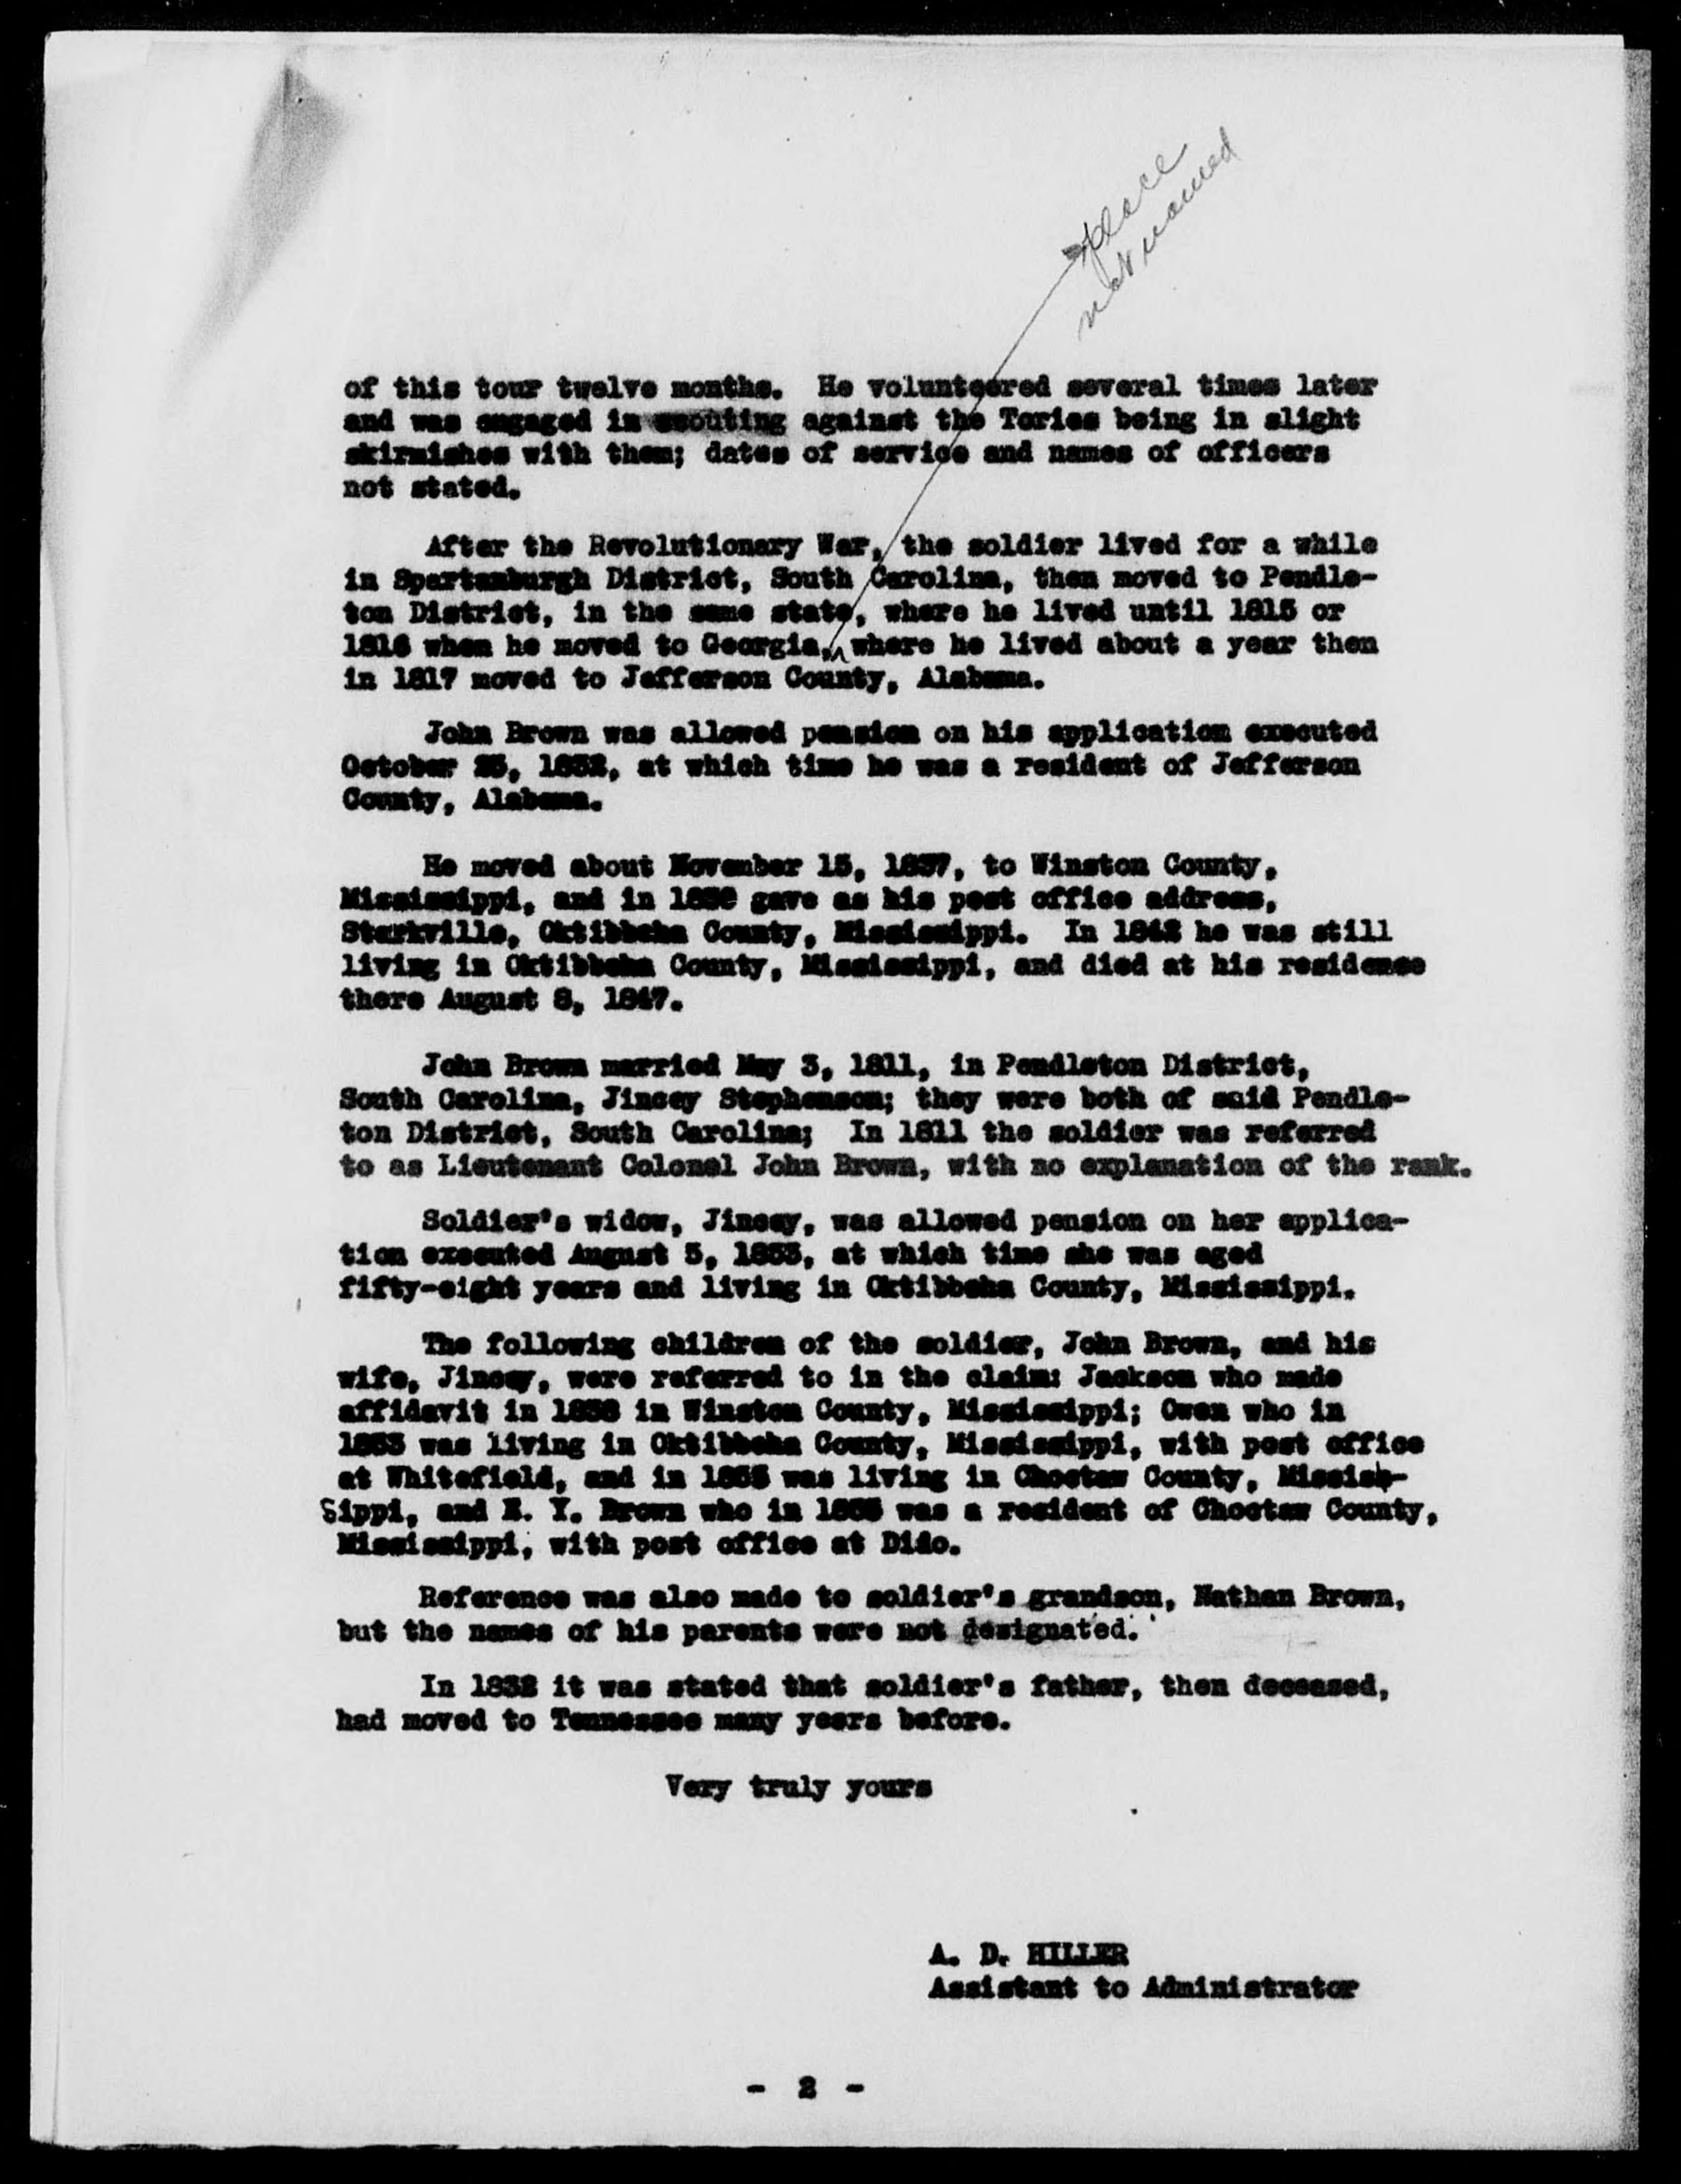of this tour twelve months.  He volunteered several times later 
and was engaged in scouting against the Tories being in slight skirmishes with them; dates of service and names of officers 
not stated.

After the Revolutionary War , the soldier lived for a while in
Spartanburgh District , South Carolina, then moved to Pendleton District, in the same state, where he lived  until 1815 or 
1816 when he moved to Georgia about a year then
in 1817 moved to Jefferson County, Alabama.

John Brown was allowed pension on his application executed
October 25, 1852, at which time he was a resident of Jefferson County, Alabama.  

He moved about November 15, 1857, to Winston County, 
Mississippi, and in 1859 gave as his post-office address, 
Starkville, Oktibbeha County,  Mississippi.  In 1862 he  was still 
living in Oktibbeha County,  Mississippi, and died  at his residence there August 8, 1867.

John Brown married May 3, 1811, in Pendleton District, 
South Carolina, Jincey Stephenson; they were both residents of Pendleton District, South Carolina; In 1811 the soldier was referred to as Lieutenant Colonel John Brown, with no explanation of the rank.
.
Soldier's widow, Jincey, was allowed pension on her application 
executed August 5, 18355, at which time she was aged fifty-eight years and living In Oktibbeha County, Mississippi.

The following children of the soldier, John Brown and his 
wife, Jincey,  were referred to in the claim:  Jackson who made affidavit in Winston County, Mississippi, in 1838; Owen who in 
1853 was living in Oktibbeha County, Mississippi, with post office 
at Whitefield, while in 1855 he was living in Choctaw County, Mississippi; and E. Y. Brown who in 1855 was a resident of
Choctaw County, Mississippi, with post office at Dido.

Reference was also made to soldier's grandson,Nathan Brown, but the names of his parents or other details were not designated.

In 1832, it was stated that soldier's father, then deceased, had
moved to Tennessee many years before.


Very truly yours
A. D. HILLER
Executive Assistant to the Administrator

-2-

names: John Brown, Jincey, John Brown, Jincey Stephenson, John Brown, Jincey, A D Hiller, E Y Brown, Nathan Brown, John Brown, Jackson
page: 35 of 85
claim: widow's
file: W. 5,906, John Brown, S.C.